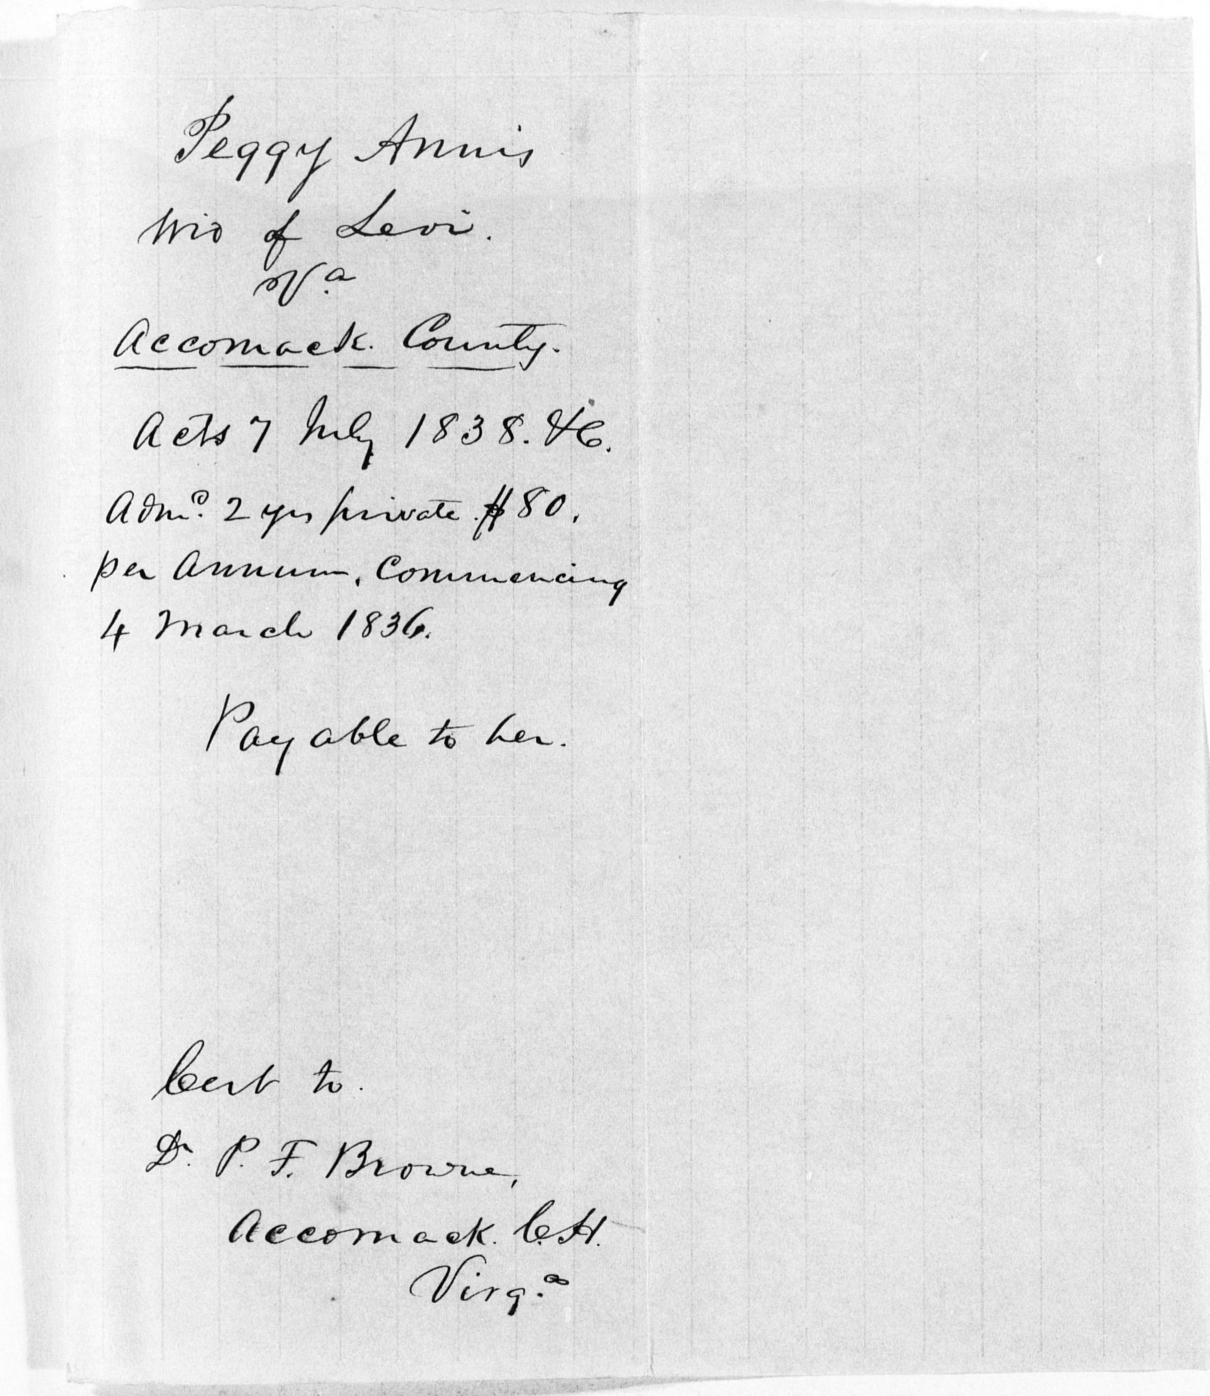Peggy Annis
wid of Levi.
Va.
Accomack County.
Acts 7 July 1838. &c.
Admd. 2 yrs private $80.
Per Annum, Commencing
4 March 1836.

Payable to her.

Cert to
Dr. P. F. Browne,
Accomack C.H.
Virga.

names: P F Browne, Peggy Annis, Levi Annis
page: 16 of 27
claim: widow's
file: W 5624, Levi Annis, Va. Va. Sea Service